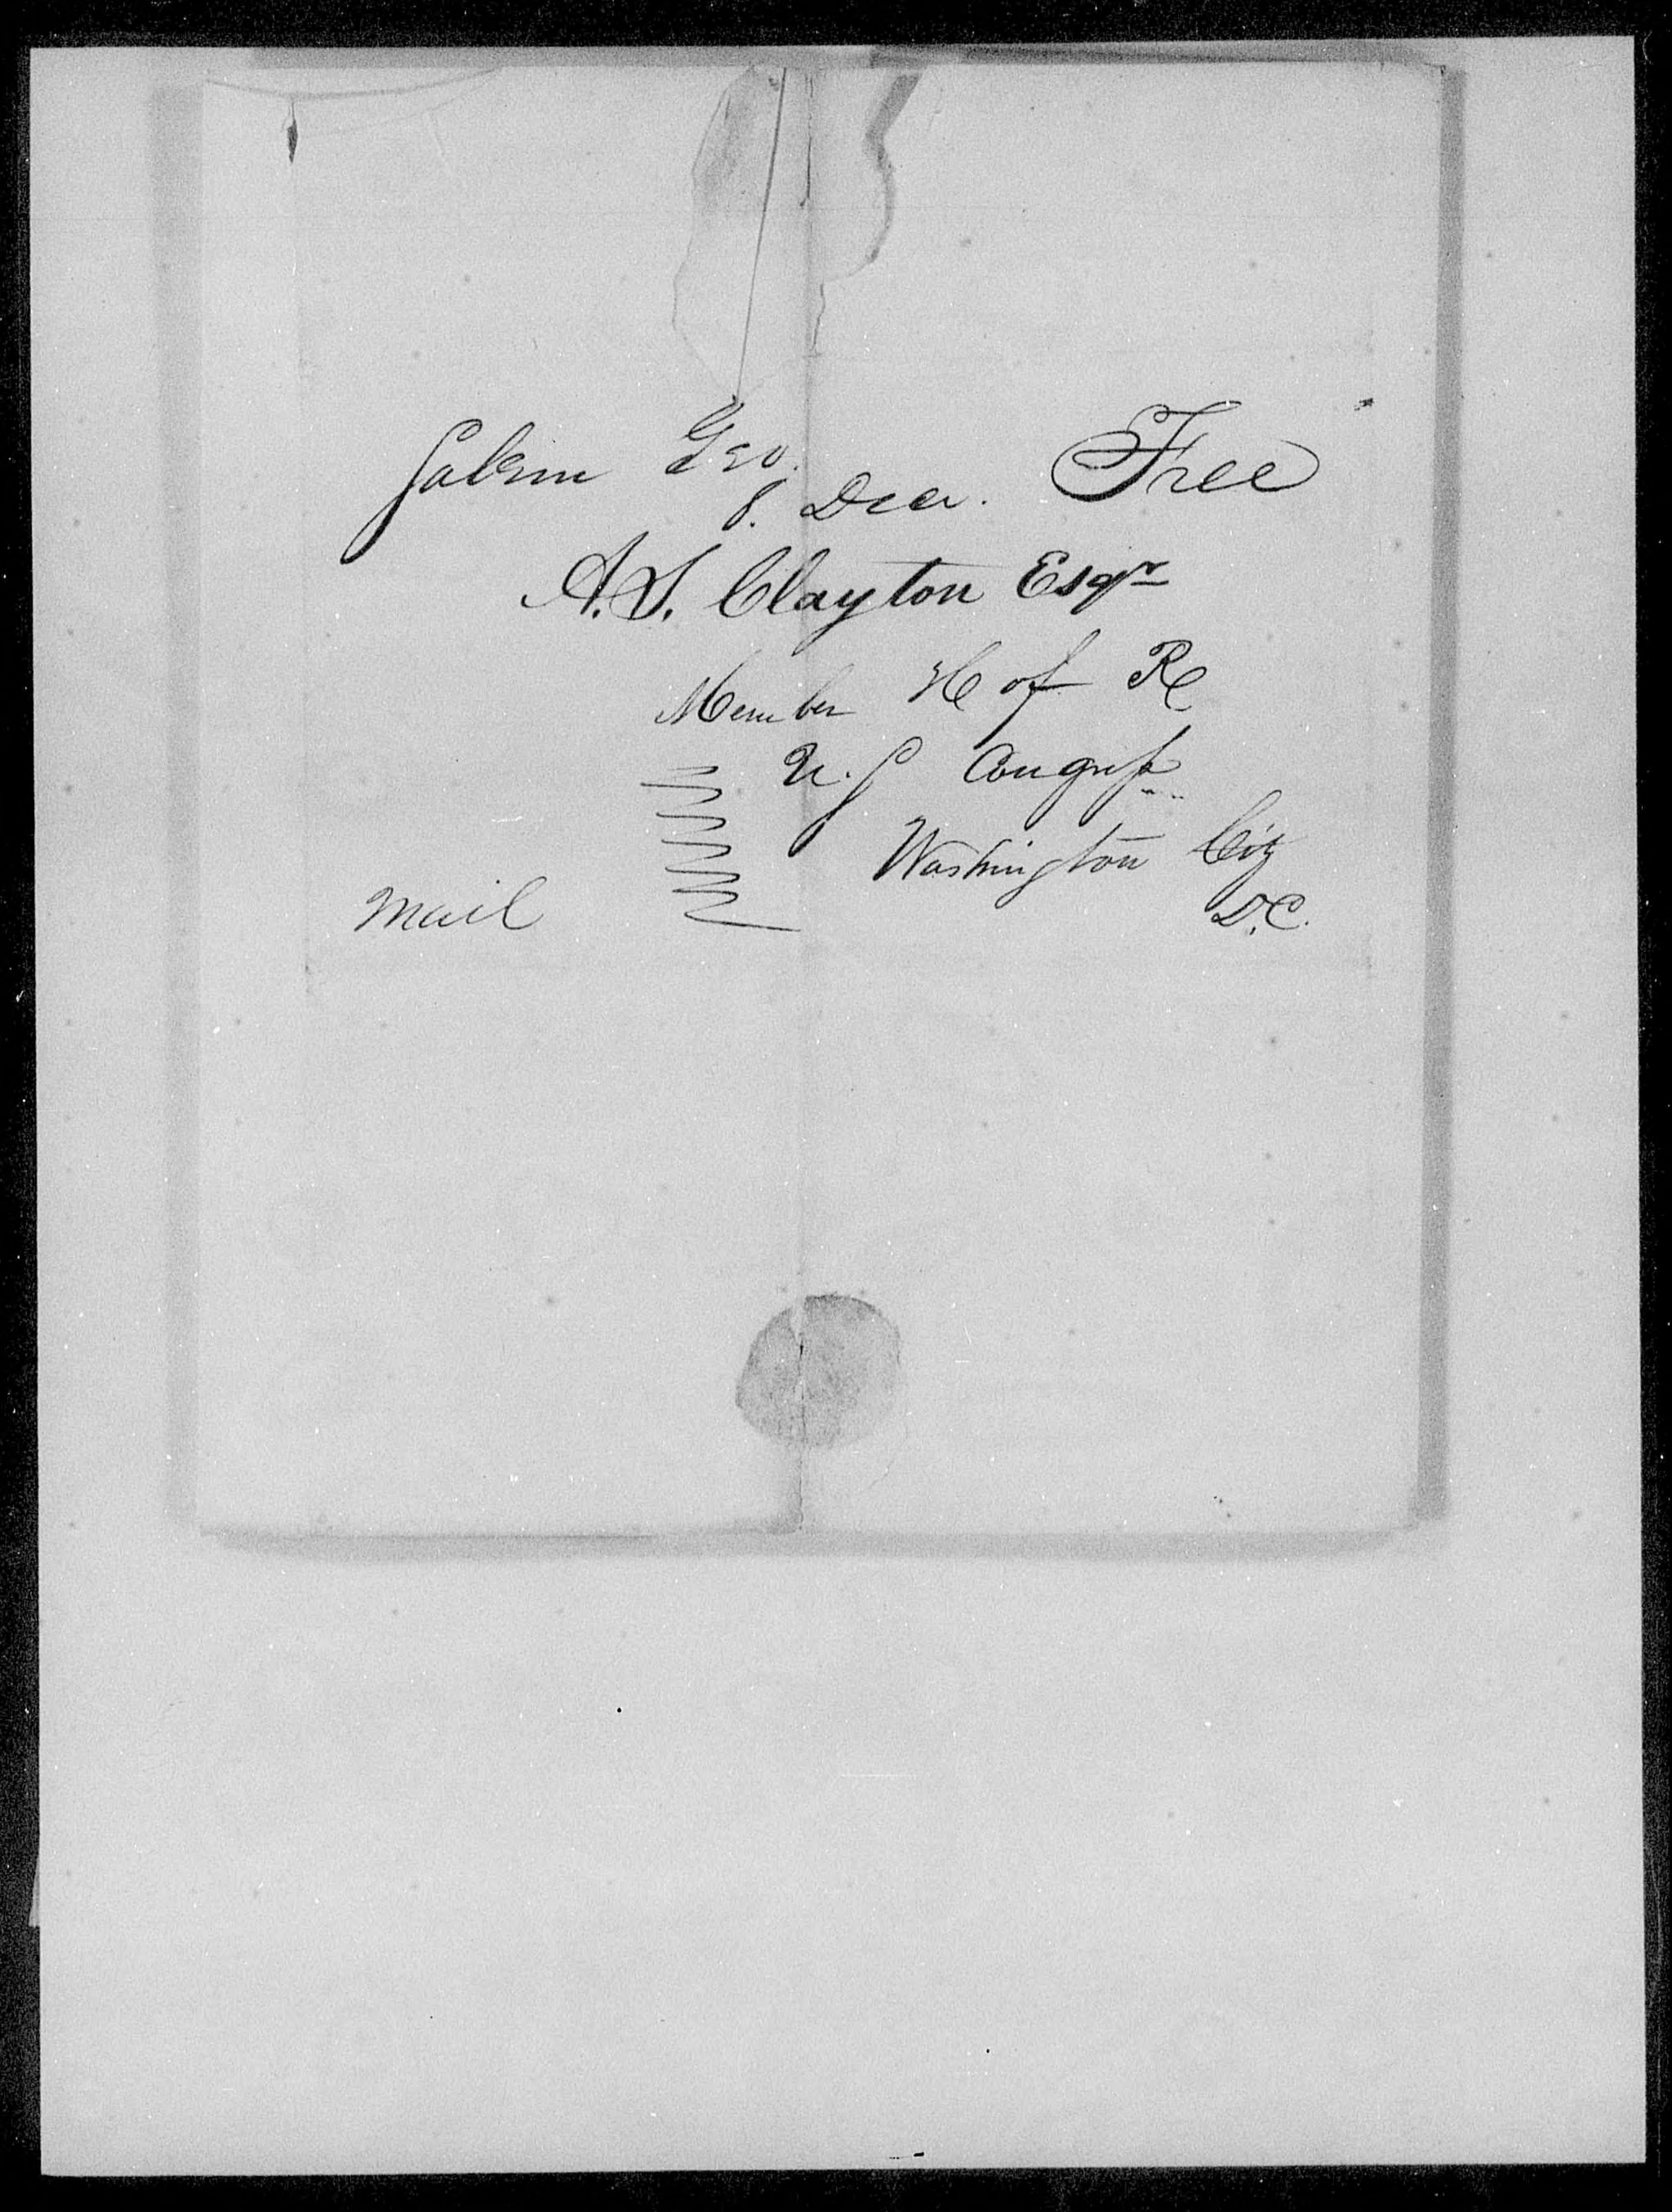Salem Geo.
                      8 Dec.                  Free

A.S. Clayton Esqr
Member H of R
U.S. Congress
Washington City, D.C.

Mail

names: A S Clayton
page: 21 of 32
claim: survivor's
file: S. 31888, for John Oliver, North Carolina